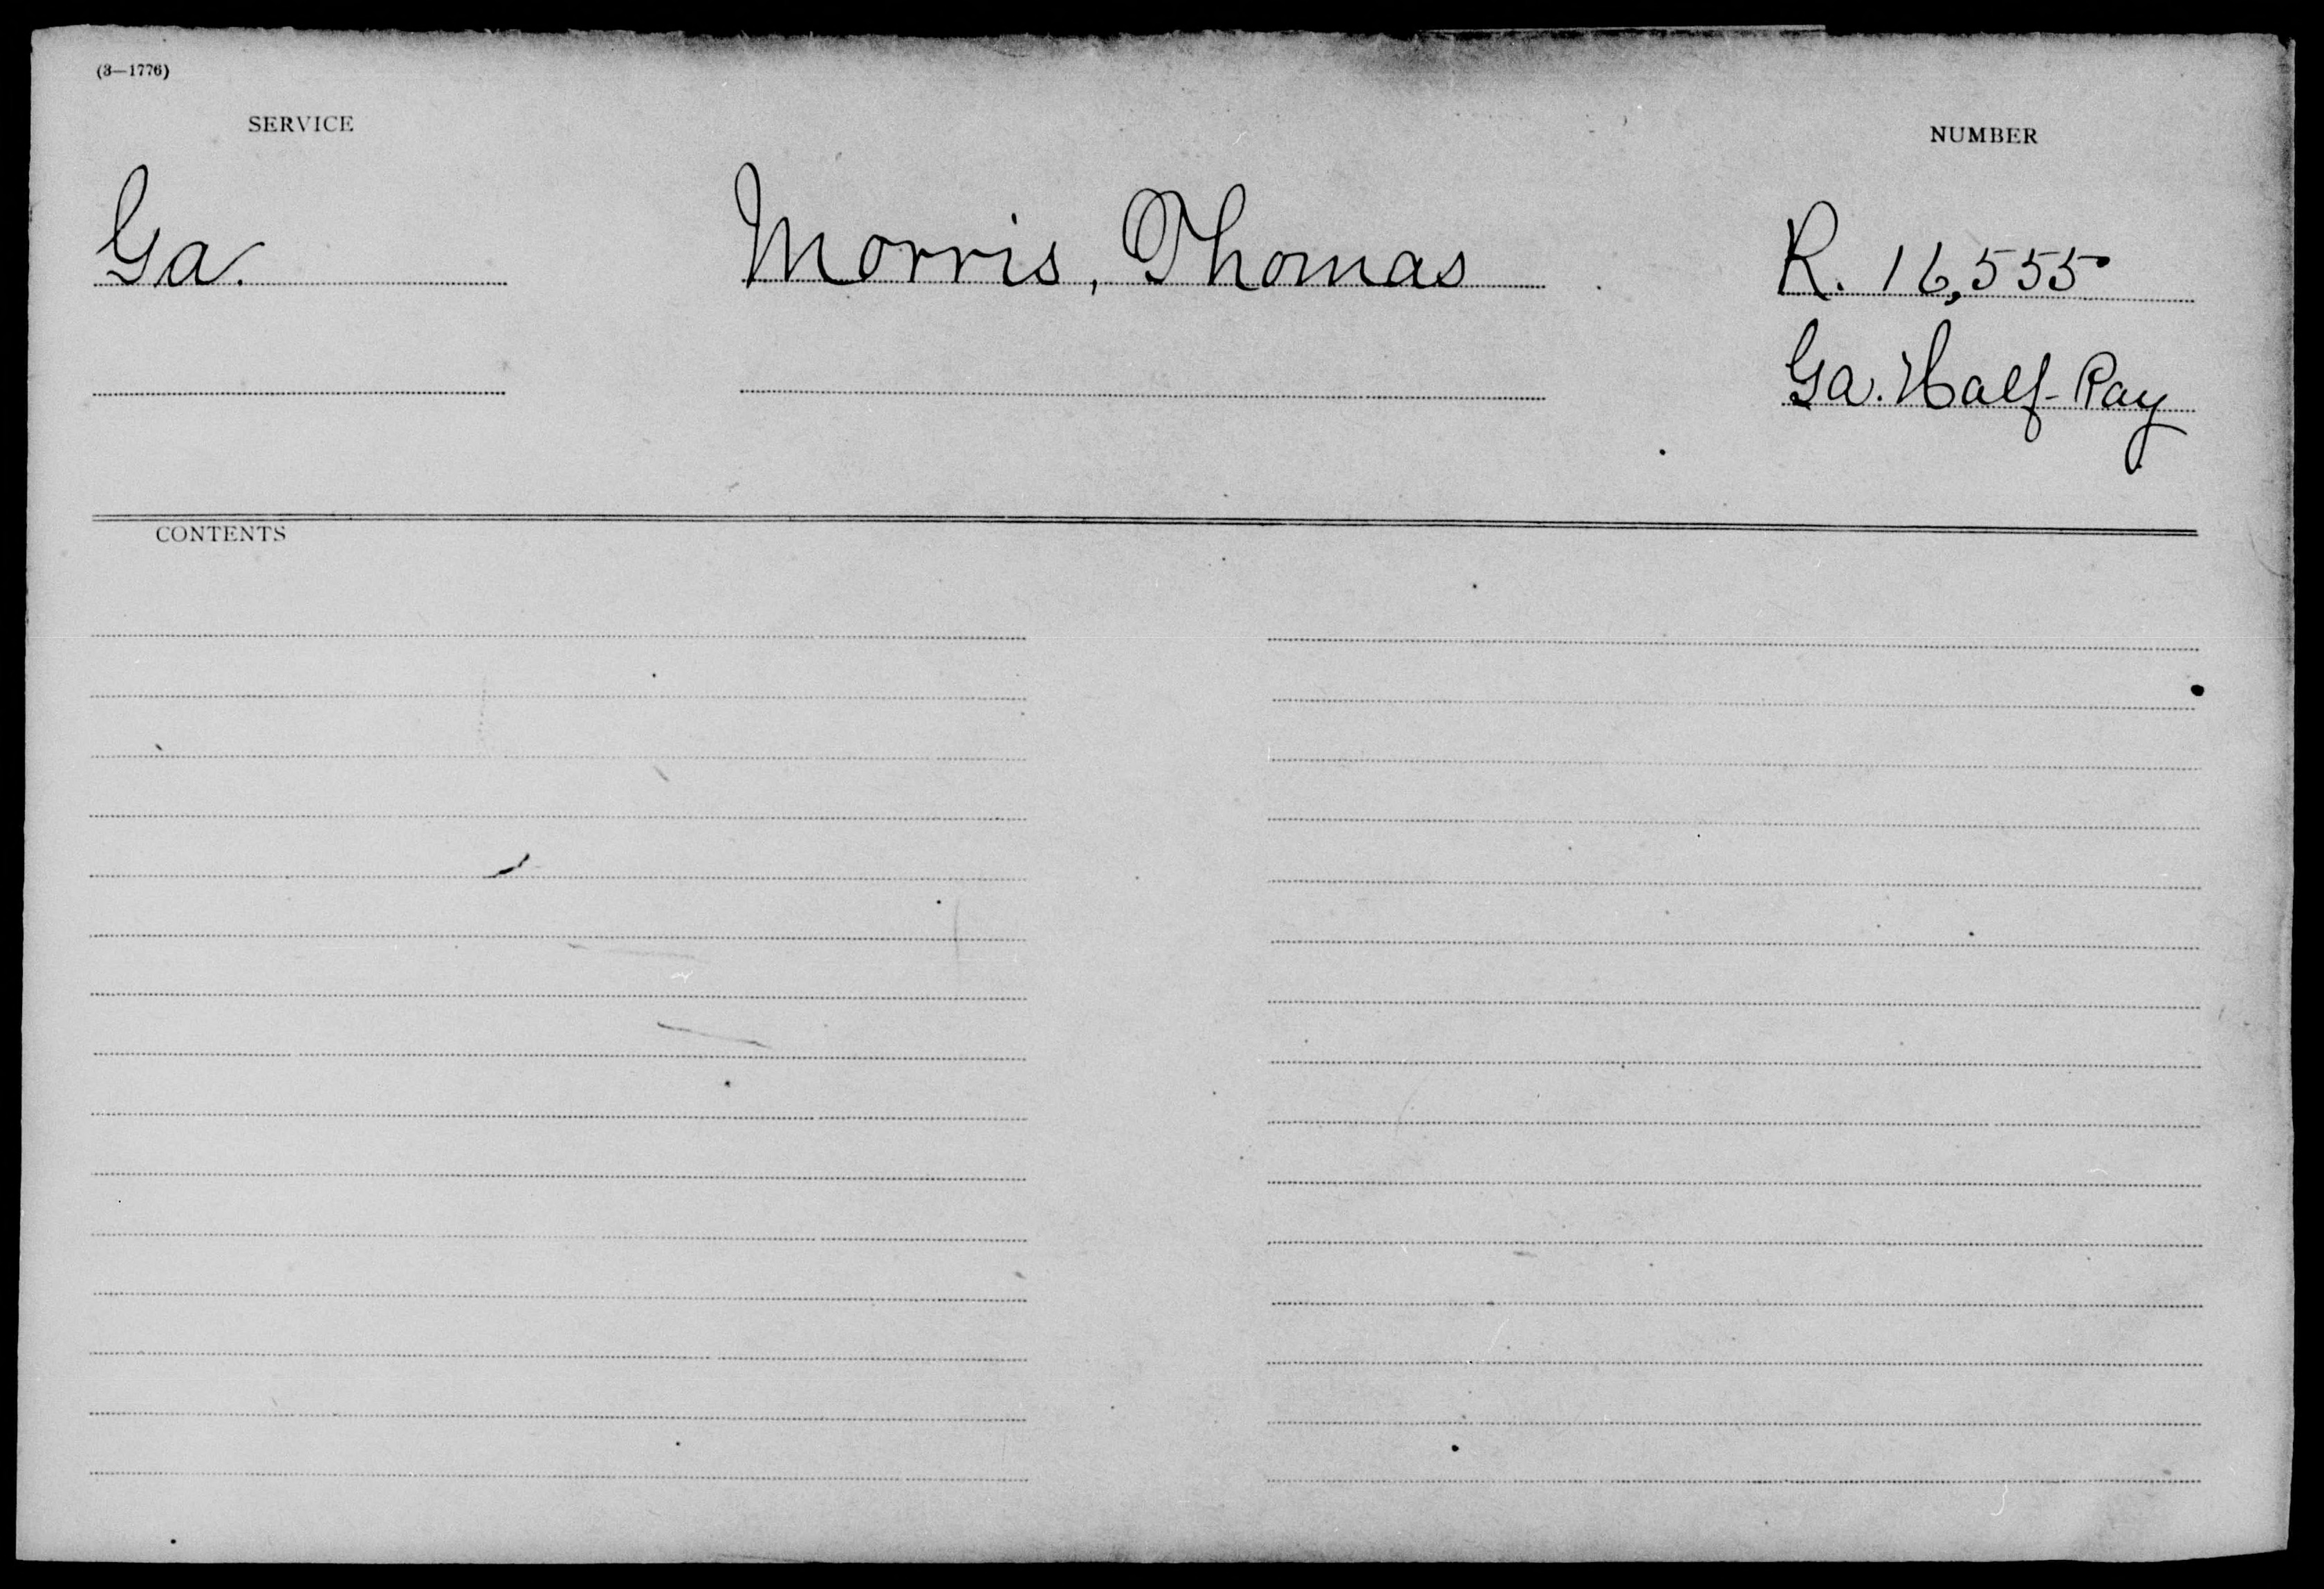SERVICE
Ga. 
Morris, Thomas
NUMBER
R. 16,555
Ga. Half - Pay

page: 1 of 30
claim: rejected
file: R. 16,555, for Thomas Morris, Georgia